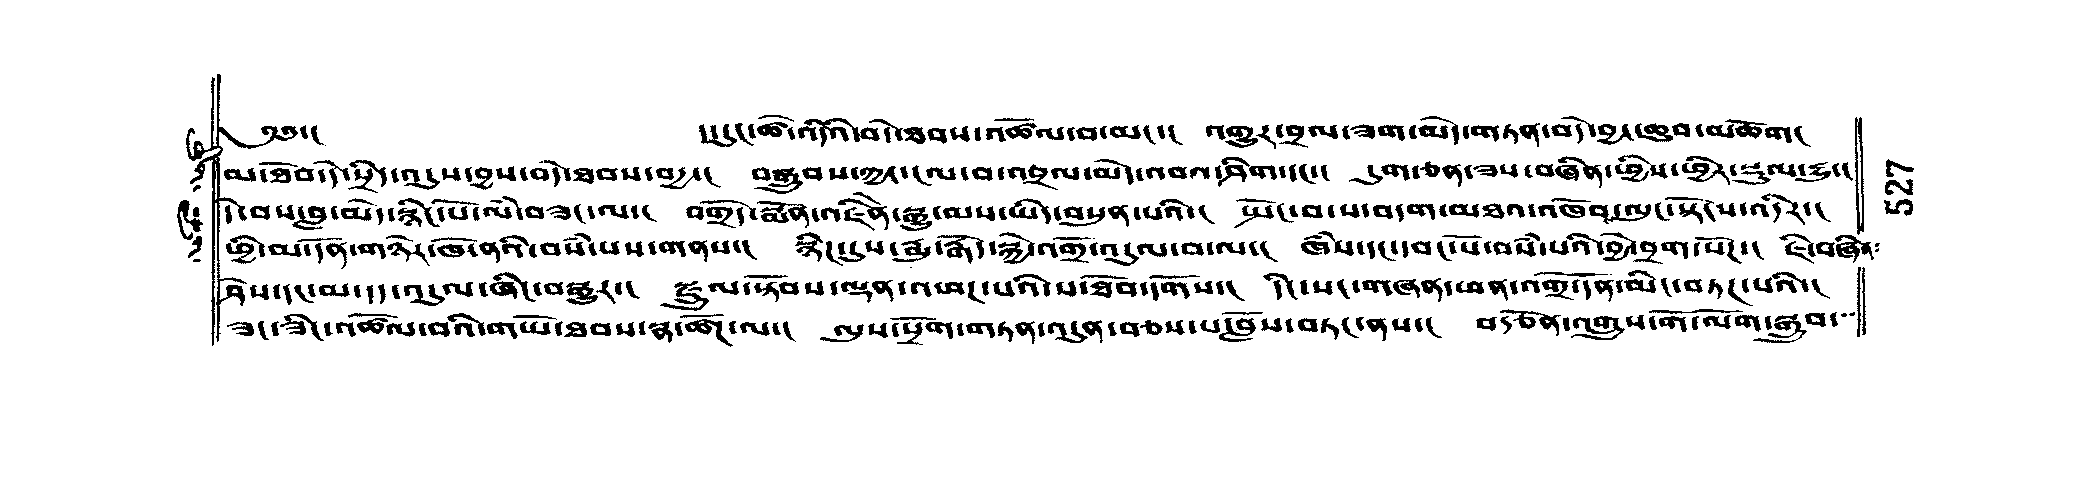།ད་དུང་ཚེ་འདིའི་བདེ་ཐབས་འཚོལ་བ་མང་། །འགྱུར་བྲལ་ཟག་མེད་གཏན་བདེ་བྱང་ཆུབ་མཆོག །
མ་ཐོབ་དེ་སྲིད་འདུས་བྱས་བདེ་ཐབས་བརྒྱ། །བསྒྲུབས་ཀྱང་ངལ་བ་འབྲས་མེད་འབའ་ཤིག་དང་། །དུག་ཅན་ཟས་བཞིན་ཕྱིས་ཕྱིར་སྡུག་བསྔལ་རྒྱུ། །
དེ་བས་བླ་མེད་སྙིང་པོ་ལམ་བཟང་ལ། །བགྲོད་སྨོན་འཇིག་རྟེན་སྒྱུ་མས་ཡིད་བསུན་པའི། །སྤོང་བ་པ་བདག་མཐའ་འཁོབ་ལུང་སྟོང་འདིར། །
ཕྱི་མ་དོན་གཉེར་ཁོ་ནའི་བསམ་པས་གནས། །སྙིགས་དུས་རྨུ་རྒོད་སྐྱེ་འགྲོ་འདུལ་བ་ལ། །ཁམས་དང་དབང་པོ་བསམ་པའི་བྱེ་བྲག་སོགས། །ཇི་བཞིན་
ཤེས་དང་མ་དད་འདུལ་ཞིང་བསྒྱུར། །རྫུ་འཕྲུལ་སྟོབས་ལྡན་འཕགས་པའི་ས་ཐོབ་དགོས། །དིང་སང་གཞན་ཕན་འགྲོ་དོན་མིང་བཏགས་པའི། །
ཟང་ཟིང་འཚོལ་བའི་གཡོ་ཐབས་སྣ་ཚོགས་ལ། །ལུས་སྲོག་གཏན་འདུན་བཅས་པ་བློས་བཏང་ནས། །བརྩོན་འགྲུས་གོ་ལོག་སྒྲུབ་